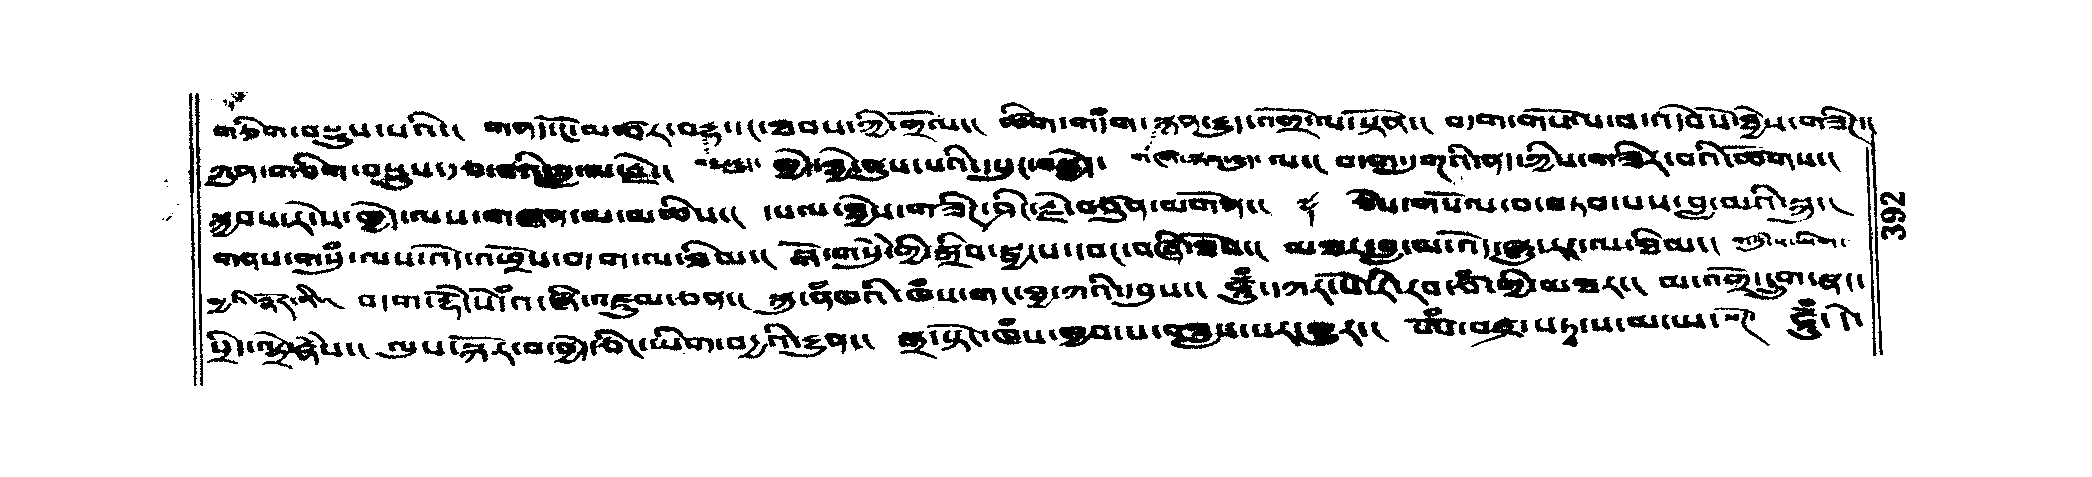གཅིག་བསྡུས་པའི། །གནད་ངོ་མཚར་བརྡ་བརྡ་རྒྱུད་དང་ཐབས་ཀྱི་གྲོལ། །ཚིག་གདམས་ངག་གང་ཟག་སྙན་རྒྱུད་སྙན་རྒྱུད་འགྲོ་ལ་སྟོན། །བདག་གསོལ་བ་འདེབས་སོ་ཐུགས་རྗེ་གཟིགས། །
ཀུན་གཅིག་བསྡུས་རྩ་བའི་བླ་མ་རྗེ། །ཁྱེད་ཐུགས་རྗེ་ནུས་པའི་དཔུང་བསྐྱེད་ལ། །བདག་དུག་ལྔའི་ནད་ཀྱིས་གཟིར་བའི་ཚོགས། །
སྐྱབས་རེ་ས་ཁྱོད་ལས་གཞན་མ་མཆིས། །དཔལ་ཐུགས་རྗེ་གཟིགས་ཤིག་རྗེ་བཙུན་མགོན། ། ༈ ཅེས་གསོལ་བ་བཏབ་པས་བླ་མའི་སྐུ། །
གནས་གསུམ་ལས་འོད་འཕྲོས་བདག་ལ་ཐིམ། །སྒོ་གསུམ་གྱི་སྒྲིབ་སྦྱང་དབང་བཞི་ཐོབ། །མཐར་བླ་མ་འོད་ཞུ་རང་ལ་ཐིམ། །སྒོ་གསུམ་གྱི་སྒྲིབ་སྦྱངས་དབང་བཞི་ཐོབ། །མཐར་བླ་མ་འོད་ཞུ་རང་ལ་ཐིམ། །གསུམ་པ་ཡིག་
བརྒྱའི་རྣལ་འབྱོར་ནི། བདག་རྡོ་རྗེ་སེམས་དཔའ་ཞི་འཛུམ་ཅན། །སྐུ་ནམ་མཁའི་ཁམས་གང་ཐུགས་ཀའི་དབུས། །ཧཱུྂ་དཀར་པོ་རི་རབ་ཙམ་གྱི་མཐར། །མ་འགྲོ་དྲུག་སྣང་
སྲིད་ལྷ་འདྲ་རྣམས། །ལུས་བསྐོར་བ་བྱེད་ཅིང་ཡིག་བརྒྱའི་རྒྱུན། །སྒྲ་སྟོང་ཁམས་ཁྱབ་པ་བཟླས་པར་གྱུར། ཨོྃ་བཛྲ་སཏྭ་ས་མ་ཡ་སོགས་ཧཱུྂ། དེ་